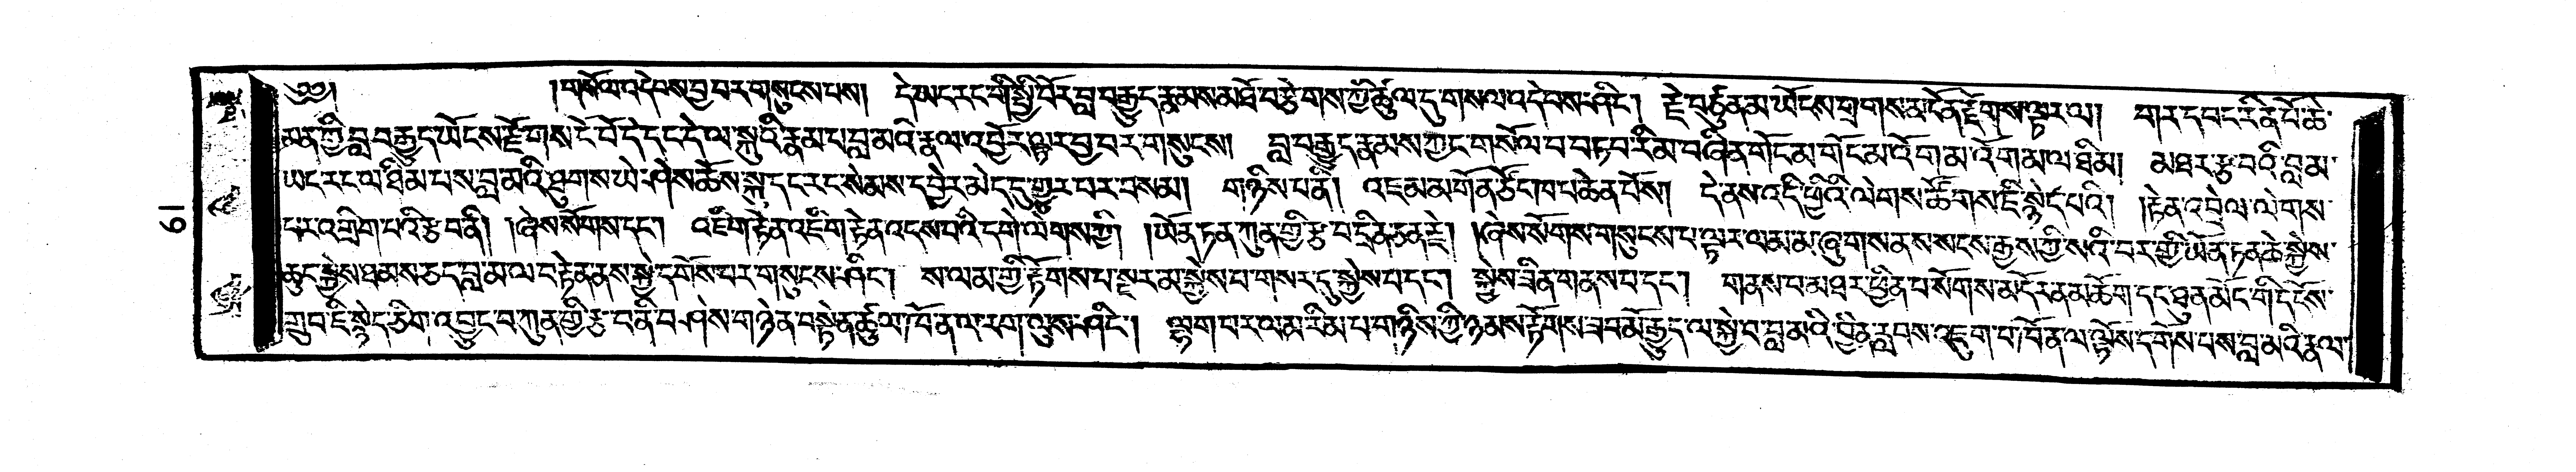༄༅། །གསོལ་འདེབས་བྱ་བར་གསུངས་བས། དེ་ཡང་རང་གི་སྤྱི་བོར་བླ་བརྒྱུད་རྣམས་མཐོ་བརྩེགས་ཀྱི་ཚུལ་དུ་གསལ་འདེབས་ཤིང་། རྗེ་བཙུན་མ་ཡོངས་གྲགས་མངོན་རྟོགས་ལྟར་ལ། གར་དབང་རིན་པོ་ཆེ་
མན་གྱི་བླ་བརྒྱུད་ཡོངས་རྫོགས་ངོ་བོ་དེ་དང་དེ་ལ་སྐུའི་རྣམ་པ་བླ་མའི་རྣལ་འབྱོར་ལྟར་བྱ་བར་གསུངས། བླ་བརྒྱུད་རྣམས་ཀྱང་གསོལ་བ་བཏབ་རིམ་བཞིན་གོང་མ་གོང་མའོ་ག་མ་འོག་མ་ལ་ཐིམ། མཐར་རྩ་བའི་བླ་མ་
ཡང་རང་ལ་ཐིམ་པས་བླ་མའི་ཐུགས་ཡེ་ཤེས་ཆོས་སྡུ་དང་རང་སེམས་དབྱེར་མེད་དུ་གྱུར་པར་བསམ། གཉིས་པ་ནི། འཇམ་མགོན་ཙོང་ཁ་པ་ཆེན་པོས། དེ་ནས་འདི་ཕྱིའི་ལེགས་ཚོགས་ཇི་སྙེད་པའི། །རྟེན་འབྲེལ་ལེགས་
པར་འགྲིབ་པའི་རྩ་བ་ནི། །ཞེས་སོགས་དང་། འཇིག་རྟེན་འཇིག་རྟེན་འདས་པའི་དགེ་ལེགས་ཀྱི། །ཡོན་ཏན་ཀུན་གྱི་རྩ་བ་དྲིན་ཅན་རྗེ། །ཞེས་སོགས་གསུངས་པ་ལྟར་ལམ་མ་ཞུགས་ནས་སངས་རྒྱས་ཀྱི་སའི་བར་གྱི་ཡོན་ཏན་ཆེ་སྐྱེས་
ཆུང་སྐྱེས་ཐམས་ཅད་བླ་མ་ལ་བརྟེན་ནས་སྐྱེ་དགོས་པར་གསུངས་ཤིང་། ས་ལམ་གྱི་རྟོགས་པ་སྔར་མ་སྐྱེས་པ་གསར་དུ་སྐྱེ་བ་དང་། སྐྱེས་ཟིན་གནས་པ་དང་། གནས་པ་མཐར་ཕྱིན་པ་སོགས་མདོར་ན་མཆོག་དང་ཐུན་མོང་གི་དངོས་
གྲུབ་ཇི་སྙེད་ཅིག་འབྱུང་བ་ཀུན་གྱི་རྩ་བ་ནི་བཤེས་གཉེན་བསྟེན་ཚུལ་ཁོ་ན་ལ་རག་ལུས་ཤིང་། ལྷག་པར་ལམ་རིམ་པ་གཉིས་ཀྱི་ཉམས་རྟོགས་ཟབ་མོ་རྒྱུད་ལ་སྐྱེ་བ་བླ་མའི་བྱིན་རླབས་འཇུག་པ་ཁོ་ན་ལ་ལྟོས་དགོས་པས་བླ་མའི་རྣལ་